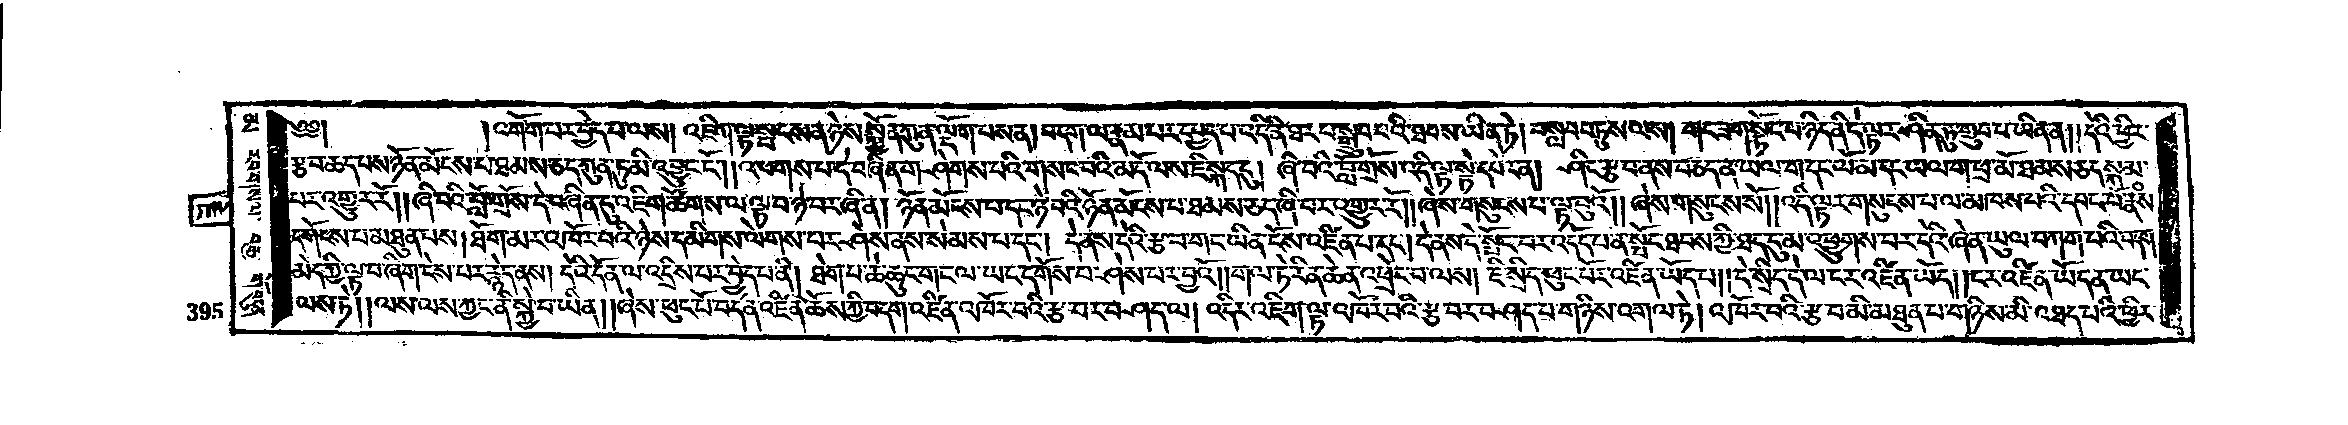༄༅། །འགོག་པར་བྱེད་པ་ལས། འཇིག་ལྟ་སྤངས་ན་ཉེས་སྐྱོན་ཀུན་ལྡོག་པས་ན། བདག་ལ་རྣམ་པར་དཔྱད་པ་འདི་ནི་ཐར་པ་སྒྲུབ་པའི་ཐབས་ཡིན་ཏེ། བསླབ་བཏུས་ལས། གང་ཟག་སྟོང་པ་ཉིད་ནི་དེ་ལྟར་ཤིན་ཏུ་གྲུབ་པ་ཡིན་ན། །དེའི་ཕྱིར་
རྩ་བ་ཆད་པས་ཉོན་མོངས་པ་ཐམས་ཅད་ཀུན་ཏུ་མི་འབྱུང་ངོ། །འཕགས་པ་དེ་བཞིན་གཤེགས་པའི་གསང་བའི་མདོ་ལས་ཇི་སྐད་དུ། ཞི་བའི་བློ་གྲོས་འདི་ལྟ་སྟེ་དཔེར་ན། ཤིང་རྩ་བ་ནས་བཅད་ན་ཡལ་ག་དང་ལོ་མ་དང་ཡལ་ག་ཕྲ་མོ་ཐམས་ཅད་སྐམ་
པར་འགྱུར་རོ། །ཞི་བའི་བློ་གྲོས་དེ་བཞིན་དུ་འཇིག་ཚོགས་ལ་ལྟ་བ་ཉེ་བར་ཞི་ན། ཉོན་མོངས་པ་དང་ཉེ་བའི་ཉོན་མོངས་པ་ཐམས་ཅད་ཞི་བར་འགྱུར་རོ། །ཞེས་གསུངས་པ་ལྟ་བུའོ། །ཞེས་གསུངས་སོ། །འདི་ལྟར་གསུངས་པ་ལ་མཁས་པའི་དབང་པོ་རྣམས་
དགོངས་པ་མཐུན་པས། ཐོག་མར་འཁོར་བའི་ཉེས་དམིགས་ལེགས་པར་ཤེས་ནས་སེམས་པ་དང་། དེ་ནས་དེའི་རྩ་བ་གང་ཡིན་ངོས་འཛིན་པ་དང་། དེ་ནས་དེ་སྤོང་བར་འདོད་པ་ན་སྤོང་ཐབས་ཀྱི་ཐད་དུ་མ་འཕྱུགས་པར་དེའི་ཞེན་ཡུལ་བཀག་པའི་བདག་
མེད་ཀྱི་ལྟ་བ་ཞིག་ངེས་པར་རྙེད་ནས། དེའི་དོན་ལ་འདྲིས་པར་བྱེད་པ་ནི། ཐེག་པ་ཆེ་ཆུང་གང་ལ་ཡང་དགོས་པ་ཤེས་པར་བྱའོ། །གལ་ཏེ་རིན་ཆེན་འཕྲེང་བ་ལས། ཇི་སྲིད་ཕུང་པོར་འཛིན་ཡོད་པ། །དེ་སྲིད་དེ་ལ་ངར་འཛིན་ཡོད། །ངར་འཛིན་ཡོད་ན་ཡང་
ལས་ཏེ། །ལས་ལས་ཀྱང་ནི་སྐྱེ་བ་ཡིན། །ཞེས་ཕུང་པོ་བདེན་འཛིན་ཆོས་ཀྱི་བདག་འཛིན་འཁོར་བའི་རྩ་བར་བཤད་ལ། འདིར་འཇིག་ལྟ་འཁོར་བའི་རྩ་བར་བཤད་པ་གཉིས་འགལ་ཏེ། འཁོར་བའི་རྩ་བ་མི་མཐུན་པ་གཉིས་མི་འཐད་པའི་ཕྱིར་